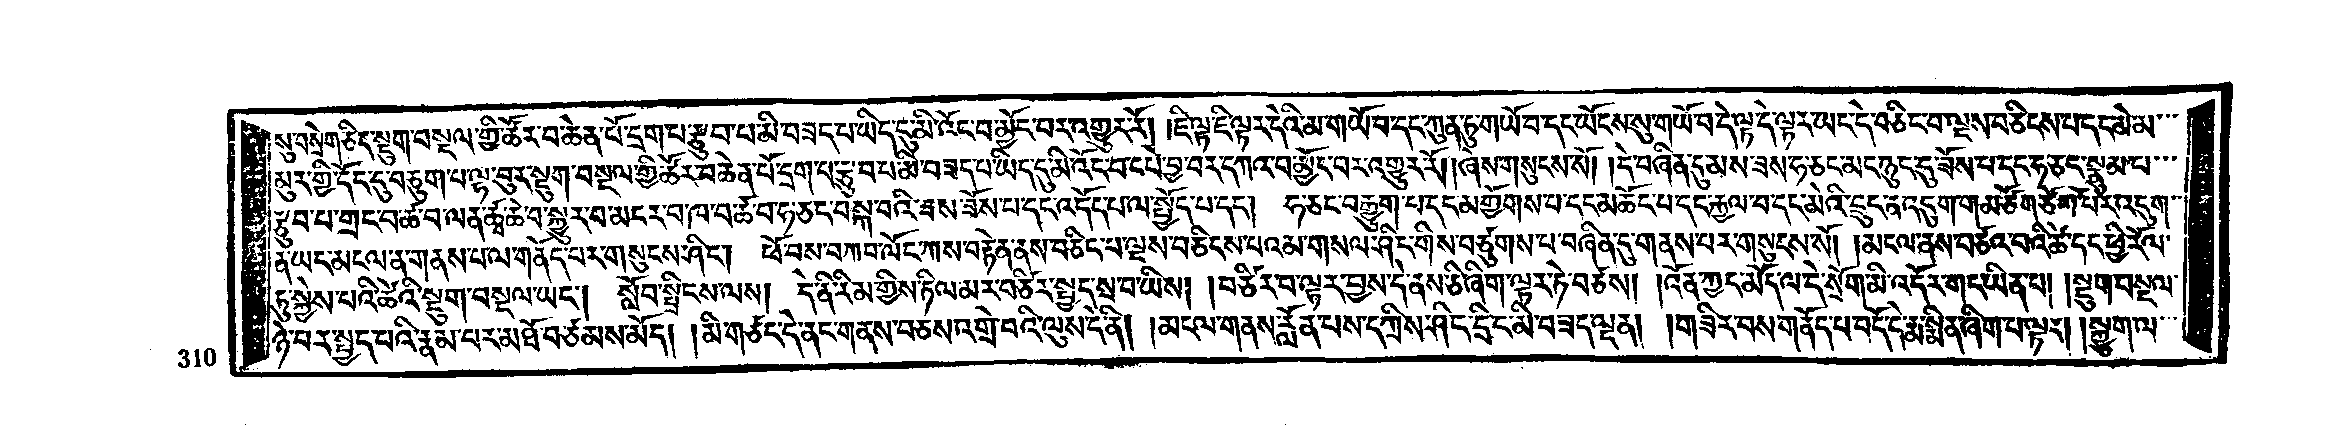སུ་བསྲེག་ཅིང་སྡུག་བསྔལ་གྱི་ཚོར་བ་ཆེན་པོ་དྲག་པ་རྩུབ་པ་མི་བཟད་པ་ཡིད་དུ་མི་འོང་བ་མྱོང་བར་འགྱུར་རོ། །ཇི་ལྟ་ཇི་ལྟར་དེའི་མ་གཡོ་བ་དང་ཀུན་ཏུ་གཡོ་བ་དང་ཡོངས་སུ་གཡོ་བ་དེ་ལྟ་དེ་ལྟར་ཡང་དེ་བཅིང་བ་ལྔས་བཅིངས་པ་དང་མེ་མ་
མུར་གྱི་དོང་དུ་བཅུག་པ་ལྟ་བུར་སྡུག་བསྔལ་གྱི་ཚོར་བ་ཆེན་པོ་དྲག་པ་རྩུབ་པ་མི་བཟད་པ་ཡིད་དུ་མི་འོང་བ་དཔེ་བྱ་བར་དཀའ་བ་མྱོང་བར་འགྱུར་རོ། །ཞེས་གསུངས་སོ། །དེ་བཞིན་དུ་མས་ཟས་ཧ་ཅང་མང་ཉུང་དུ་ཟོས་པ་དང་ཧ་ཅང་སྣུམ་པ་
རྩུབ་པ་གྲང་བ་ཚ་བ་ལན་ཚྭ་ཆེ་བ་སྐྱུར་བ་མངར་བ་ཁ་བ་ཚ་བ་ཧ་ཅང་བསྐ་བའི་ཟས་ཟོས་པ་དང་འདོད་པ་ལ་སྤྱོད་པ་དང་། ཧ་ཅང་བརྒྱུག་པ་དང་མགྱོགས་པ་དང་མཆོང་བ་དང་རྐྱལ་བ་དང་མེའི་དྲུང་ན་འདུག་གམ་ཙོག་ཙོག་པོར་འདུག་
ན་ཡང་མངལ་ན་གནས་པ་ལ་གནོད་པར་གསུངས་ཤིང་། ཕོ་བས་བཀབ་ལོང་ཀས་བརྟེན་ནས་བཅིང་བ་ལྔས་བཅིངས་པའམ་གསལ་ཤིང་གིས་བཙུགས་པ་བཞིན་དུ་གནས་པར་གསུངས་སོ། །མངལ་ནས་བཙའ་བའི་ཚེ་དང་ཕྱི་རོལ་
ཏུ་སྐྱེས་པའི་ཚེའི་སྡུག་བསྔལ་ཡང་། སློབ་སྤྲིངས་ལས། དེ་ནི་རིམ་གྱིས་ཏིལ་མར་བཙིར་སྤྱད་སྲ་བ་ཡིས། །བཙིར་བ་ལྟར་བྱས་དེ་ནས་ཅི་ཞིག་ལྟར་ཏེ་བཙས། །འོན་ཀྱང་མོད་ལ་དེ་སྲོག་མི་འདོར་གང་ཡིན་པ། །སྡུག་བསྔལ་
ཉེ་བར་སྤྱད་པའི་རྣམ་པར་མཐོ་བཙམས་མོད། །མིག་གཙང་དེ་ནང་གནས་བཅས་འགྲེ་བའི་ལུས་དེ་ནི། །མངལ་གནས་རློན་པས་དཀྲིས་ཤིང་དྲི་པ་མི་བཟད་ལྡན། །གཟིར་བས་གནོད་པ་བདོ་དེ་རྨ་སྨིན་ཞིག་པ་ལྟར། །སྐྱུག་ལ་